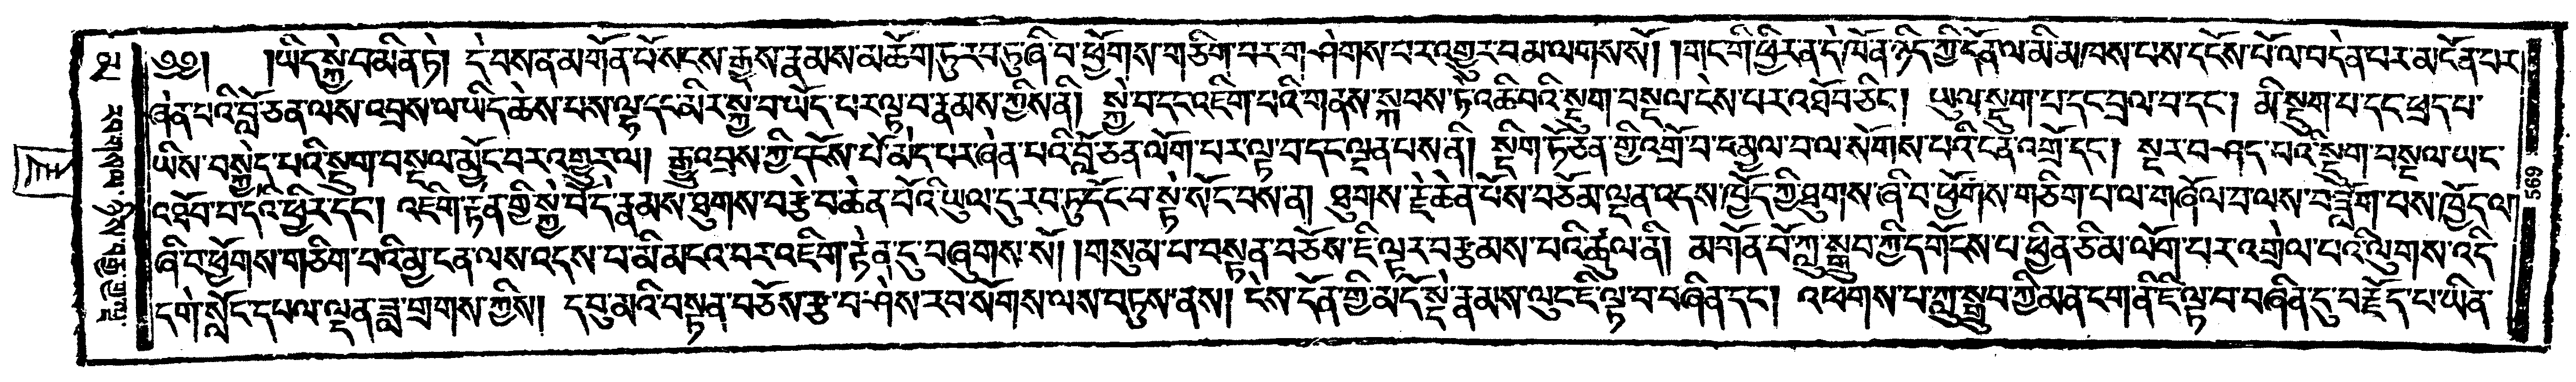༄༅། །པར་གྱུར་པ་ཇི་སྙེད་པ་བདེ་བར་གཤེགས་པ་ཁྱོད་བྱང་ཆུབ་ཀྱི་མཆོག་རབ་དམ་བར་གཤེགས་པའི་བསྐལ་པ་ཡང་དེ་སྙེད་དེ། དེ་ལྟར་ཡིན་པ་འོན་ཀྱང་སྔོན་དགེ་རྩ་མ་བསགས་པ་རྣམས་མོས་པར་དཀའ་བའི་ཕྱིར། ཁྱོད་
ཀྱི་གསང་བ་འདི་ནི་བསྙད་པར་བགྱི་བ་མ་ལགས་སོ། །དེ་ལ་ལྷག་པར་མོས་པ་རྣམས་ལ་ནི་བསོད་ནམས་གཞལ་དུ་མེད་པ་བསག་པར་བྱ་བའི་ཕྱིར་འདིར་བཤད་དོ། །འདི་ལ་འགྲེལ་བཤད་བྱེད་པས་འདི་ཡང་སངས་རྒྱས་ཐམས་
ཅད་ཀྱི་ཆོས་ཀྱི་སྐུ་གཅིག་ཡིན་པས་དེ་ལྟར་བརྗོད་པ་ཡིན་གྱི། གཞན་དུ་ན་སངས་རྒྱས་གཞན་འབྱུང་བར་མི་འགྱུར་བས་སོ། ཞེས་འཆད་པ་ནི་མི་འཐད་དེ། འགྲེལ་པ་ལས་སྤྲུལ་པའི་སྐུ་འབྱུང་བའི་དབང་དུ་བྱས་པར་གསུངས་པའི་ཕྱིར་
རོ༑ ༑སྤྲུལ་པའི་སྐུ་འབྱུང་བའི་རྒྱུ་ཞེས་པ་ཆོས་ཀྱི་སྐུ་ལ་དགོངས་ཞེས་འཆད་པ་ཡང་མི་རིགས་ཏེ། ཆོས་ཀྱི་སྐུར་གཤེགས་པའི་ཚད་དེ་ཙམ་དུ་འདོད་ན་གང་ཟག་གཞན་སངས་རྒྱ་བའི་སྐབས་མེད་པའི་སྐྱོན་དེར་ཡང་འཇུག་པའི་ཕྱིར་དང་།
སངས་རྒྱས་ཐམས་ཅད་ཀྱི་ཆོས་སྐུ་གཅིག་ཡིན་ན་སངས་རྒྱས་སྔ་མ་རྣམས་སངས་རྒྱས་པའི་ཚེ། སྔར་སངས་མ་རྒྱས་པ་དང་འཚང་རྒྱ་རྒྱུའི་ཆོས་སྐུ་ཡང་སྔོན་དུ་ཐོབ་ཟིན་པ་ཤིན་ཏུ་འགལ་བའི་ཕྱིར་རོ། །དེས་ན་བྱང་ཆུབ་ཀྱི་སྙིང་པོར་
གཤེགས་པའི་ཚད་སྟོན་པ་ཡིན་ལ། དེ་ཡང་སྔོན་དུ་སངས་རྒྱས་ནས་ཀྱི་ཡུན་ཚད་སྟོན་པ་མ་ཡིན་པས། སངས་རྒྱས་ནས་སླར་ཡང་བྱང་ཆུབ་ཀྱི་སྙིང་པོར་སྤྲུལ་སྐུའི་འཚང་རྒྱ་ཚུལ་སྟོན་པའི་གྲངས་ཚད་སྟོན་པ་ཡིན་ནོ། །དེ་ལྟར་